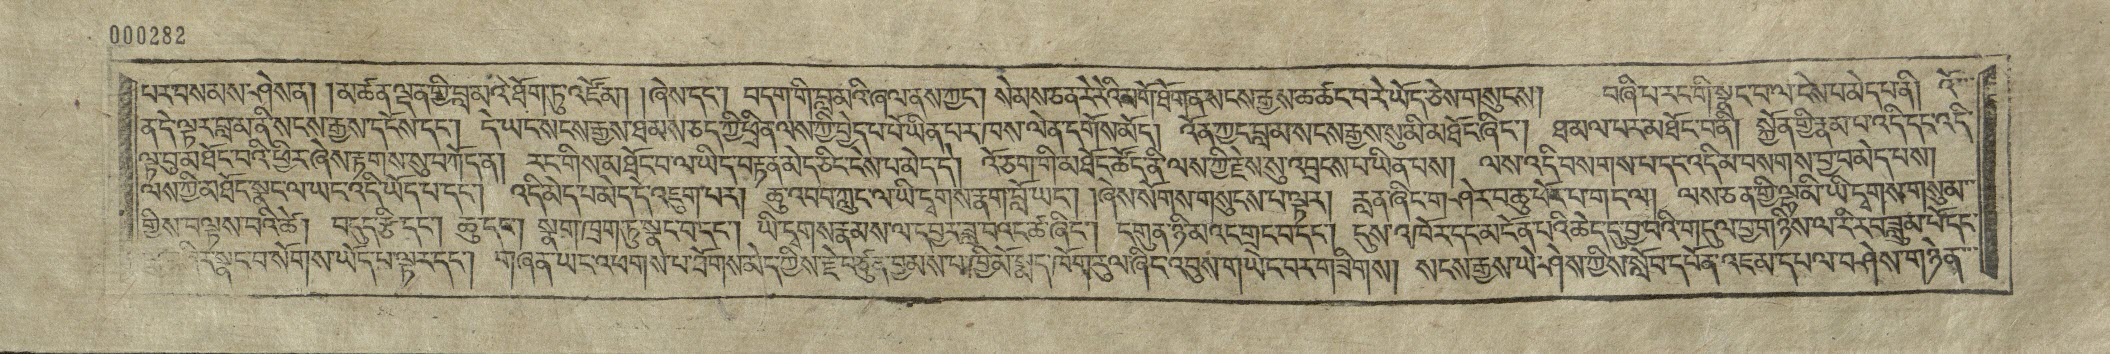པར་བསམས་ཤེས་ན། །མཚན་ལྡན་གྱི་བླ་མའི་ཐོག་ཏུ་འཛོམ། །ཞེས་དང་། བདག་གི་བླ་མའི་ཞལ་ནས་ཀྱང་། སེམས་ཅན་རེ་རེའི་མགོ་ཐོག་ན་སངས་རྒྱས་ཆ་ཚང་བ་རེ་ཡོད་ཅེས་གསུངས། བཞི་པ་རང་གི་སྣང་བ་ལ་ངེས་པ་མེད་པ་ནི། འོ་
ན་དེ་ལྟར་བླ་མ་ནི་སངས་རྒྱས་དངོས་དང་། དེ་ཡང་སངས་རྒྱས་ཐམས་ཅད་ཀྱི་ཕྲིན་ལས་ཀྱི་བྱེད་པ་པོ་ཡིན་པར་ཁས་ལན་དགོས་མོད། འོན་ཀྱང་བླ་མ་སངས་རྒྱས་སུ་མི་མཐོང་ཞིང་། ཐ་མལ་པར་མཐོང་བ་ནི། སྐྱོན་གྱི་རྣམ་པ་འདི་དང་འདི་
ལྟ་བུ་མཐོང་བའི་ཕྱིར་ཞེས་རྟགས་སུ་བཀོད་ན། རང་གིས་མཐོང་བ་ལ་ཡིད་བརྟན་མེད་ཅིང་ངེས་པ་མེད་དེ། འོ་ཅག་གི་མཐོང་ཚོད་ཎི་ལས་ཀྱི་རྗེས་སུ་འབྲངས་པ་ཡིན་པས། ལས་འདི་བསགས་པ་དང་འདི་མ་བསགས་བྱ་བ་མེད་པས།
ལས་ཀྱི་མཐོང་སྣང་ལ་ཡང་འདི་ཡོད་པ་དང་། འདི་མེད་པ་མེད་དེ་འཇུག་པར། ཆུ་འབབ་ཀླུང་ལ་ཡི་དྭགས་རྣག་བློ་ཡང་། །ཞེས་སོགས་གསུངས་པ་ལྟར། རླན་ཞིང་གཤེར་བ་ཆུ་ཕོར་བ་གང་ལ། ལས་ཅན་གྱི་ལྷ་མི་ཡི་དྭགས་གསུམ་
གྱིས་བལྟས་བའི་ཚེ། བདུད་རྩི་དང་། ཆུ་དང་། སྣག་ཁྲག་ཏུ་སྣང་བ་དང་། ཡི་དྭགས་རྣམས་ལ་དབྱར་ཟླ་བའང་ཚ་ཞིང་། དགུན་ཉི་མའང་གྲང་བ་དང་། དུས་འཁོར་དང་མངོན་པའི་ཆེད་དུ་བྱ་བའི་འདུལ་བྱ་གཉིས་ལ་རི་རབ་ཟླུམ་པོ་དང་
གྲུ་བཞིར་སྣང་བ་སོགས་ཡོད་པ་ལྟར་དང་། གཞན་ཡང་འཕགས་པ་ཐོགས་མེད་ཀྱིས་རྗེ་བཙུན་བྱམས་པ་ཁྱི་མོ་སྨད་ཁོག་རུལ་ཞིང་འབུས་གཡེང་བར་གཟིགས། སངས་རྒྱས་ཡེ་ཤེས་ཀྱིས་སློབ་དཔོན་འཇམ་དཔལ་བཤེས་གཉེན་